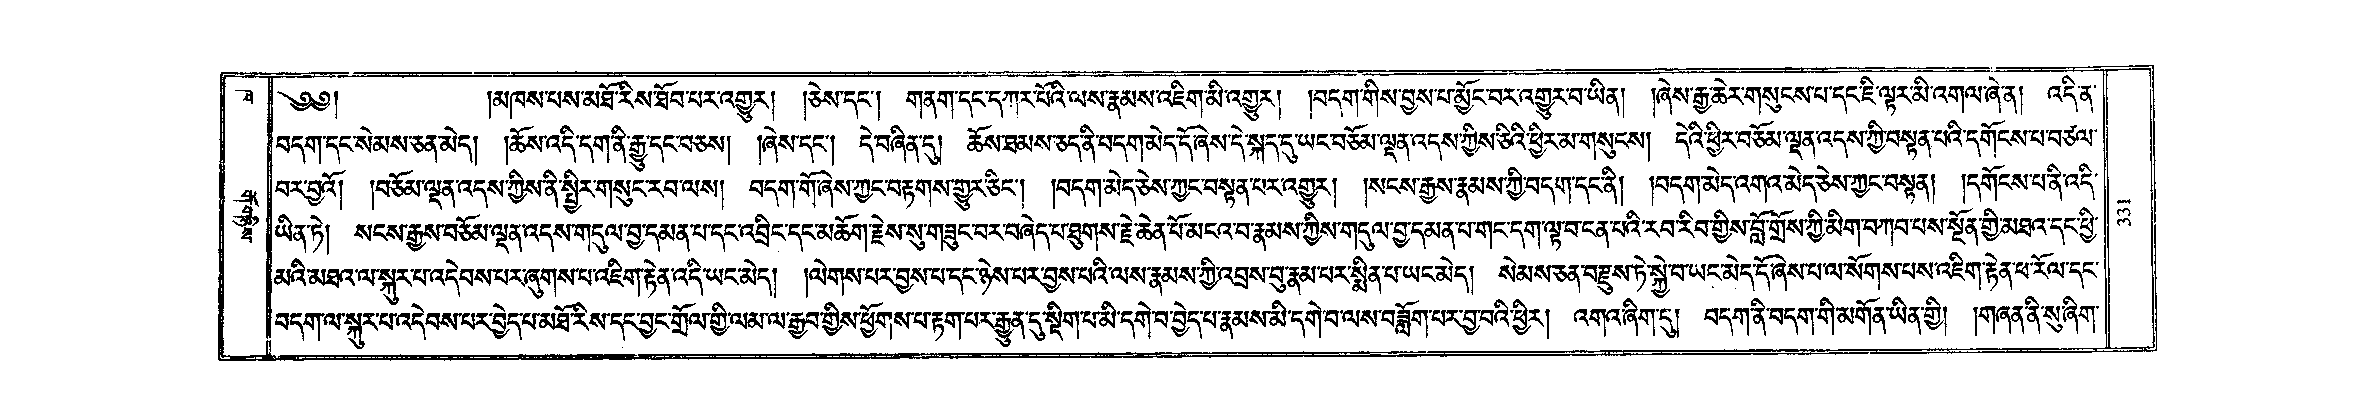༄༅། །མཁས་པས་མཐོ་རིས་ཐོབ་པར་འགྱུར། །ཅེས་དང་། གནག་དང་དཀར་པོའི་ལས་རྣམས་འཇིག་མི་འགྱུར། །བདག་གིས་བྱས་པ་མྱོང་བར་འགྱུར་བ་ཡིན། །ཞེས་རྒྱ་ཆེར་གསུངས་པ་དང་ཇི་ལྟར་མི་འགལ་ཞེ་ན། འདི་ན་
བདག་དང་སེམས་ཅན་མེད། །ཆོས་འདི་དག་ནི་རྒྱུ་དང་བཅས། །ཞེས་དང་། དེ་བཞིན་དུ། ཆོས་ཐམས་ཅད་ནི་བདག་མེད་དོ་ཞེས་དེ་སྐད་དུ་ཡང་བཅོམ་ལྡན་འདས་ཀྱིས་ཅིའི་ཕྱིར་མ་གསུངས། དེའི་ཕྱིར་བཅོམ་ལྡན་འདས་ཀྱི་བསྟན་པའི་དགོངས་པ་བཙལ་
བར་བྱའོ། །བཅོམ་ལྡན་འདས་ཀྱིས་ནི་སྤྱིར་གསུང་རབ་ལས། བདག་གོ་ཞེས་ཀྱང་བརྟགས་གྱུར་ཅིང་། །བདག་མེད་ཅེས་ཀྱང་བསྟན་པར་འགྱུར། །སངས་རྒྱས་རྣམས་ཀྱི་བདག་དང་ནི། །བདག་མེད་འགའ་མེད་ཅེས་ཀྱང་བསྟན། །དགོངས་པ་ནི་འདི་
ཡིན་ཏེ། སངས་རྒྱས་བཅོམ་ལྡན་འདས་གདུལ་བྱ་དམན་པ་དང་འབྲིང་དང་མཆོག་རྗེས་སུ་གཟུང་བར་བཞེད་པ་ཐུགས་རྗེ་ཆེན་པོ་མངའ་བ་རྣམས་ཀྱིས་གདུལ་བྱ་དམན་པ་གང་དག་ལྟ་བ་ངན་པའི་རབ་རིབ་གྱིས་བློ་གྲོས་ཀྱི་མིག་བཀབ་པས་སྔོན་གྱི་མཐའ་དང་ཕྱི་
མའི་མཐའ་ལ་སྐུར་པ་འདེབས་པར་ཞུགས་པ་འཇིག་རྟེན་འདི་ཡང་མེད། །ལེགས་པར་བྱས་པ་དང་ཉེས་པར་བྱས་པའི་ལས་རྣམས་ཀྱི་འབྲས་བུ་རྣམ་པར་སྨིན་པ་ཡང་མེད། སེམས་ཅན་བརྫུན་ཏེ་སྐྱེ་བ་ཡང་མེད་དོ་ཞེས་པ་ལ་སོགས་པས་འཇིག་རྟེན་ཕ་རོལ་དང་
བདག་ལ་སྐུར་པ་འདེབས་པར་བྱེད་པ་མཐོ་རིས་དང་བྱང་གྲོལ་གྱི་ལམ་ལ་རྒྱབ་གྱིས་ཕྱོགས་པ་རྟག་པར་རྒྱུན་དུ་སྡིག་པ་མི་དགེ་བ་བྱེད་པ་རྣམས་མི་དགེ་བ་ལས་བཟློག་པར་བྱ་བའི་ཕྱིར། འགའ་ཞིག་དུ། བདག་ནི་བདག་གི་མགོན་ཡིན་གྱི། །གཞན་ནི་སུ་ཞིག་